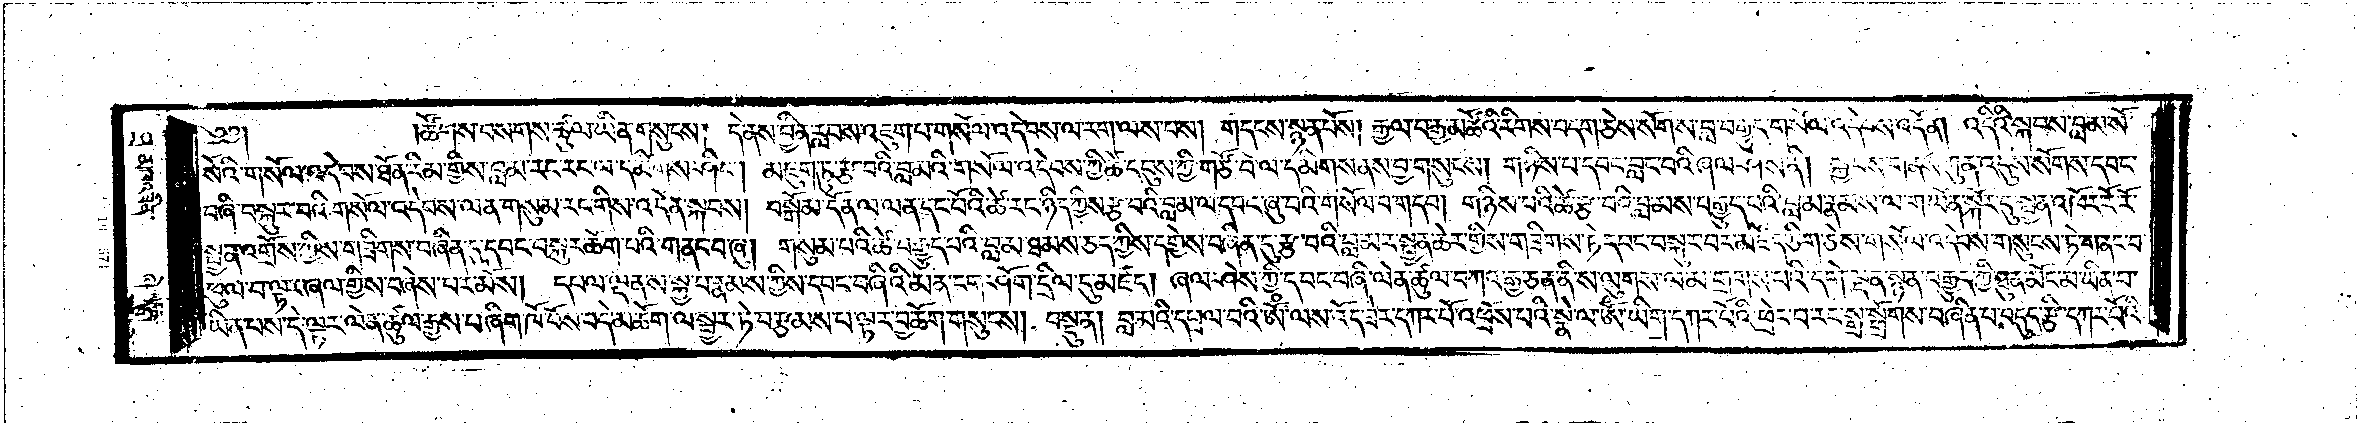༄༅། །ཚོགས་བསགས་ཚུལ་ཡིན་གསུངས། དེ་ནས་བྱིན་རླབས་འཇུག་པ་གསོལ་འདེབས་ལ་རག་ལས་པས། གདངས་སྙན་པོས། རྒྱལ་བ་རྒྱ་མཚོའི་རིགས་བདག་ཅེས་སོགས་བླ་བརྒྱུད་གསོལ་འདེབས་འདོན། འདིའི་སྐབས་བླ་མ་སོ་
སོའི་གསོལ་འདེབས་ཐོན་རིམ་གྱིས་བླ་མ་རང་རང་ལ་དམིགས་ཤིང་། མཇུག་ཏུ་རྩ་བའི་བླ་མའི་གསོལ་འདེབས་ཀྱི་ཚེ་དབུས་ཀྱི་གཙོ་བོ་ལ་དམིགས་ནས་བྱ་གསུངས། གཉིས་པ་དབང་བླང་བའི་ཞལ་ཤེས་ནི། སྐྱབས་གནས་ཀུན་འདུས་སོགས་དབང་
བཞི་བསྐུར་བའི་གསོལ་འདེབས་ལན་གསུམ་རང་གིས་འདོན་སྐབས། བསྒོམ་དོན་ལ་ལན་དང་པོའི་ཚེ་རང་ཉིད་ཀྱིས་རྩ་བའི་བླ་མ་ལ་དབང་ཞུ་བའི་གསོལ་བ་གདབ། གཉིས་པའི་ཚེ་རྩ་བའི་བླ་མས་བརྒྱུད་པའི་བླ་མ་རྣམས་ལ་གཡོན་སྐོར་དུ་སྤྱན་འཁོར་རོ་རོ་
སྤྱན་འགྲོས་ཀྱིས་གཟིགས་བཞིན་དུ་དབང་བསྐུར་ཆོག་པའི་གནང་བ་ཞུ། གསུམ་པའི་ཚེ་བརྒྱུད་པའི་བླ་མ་ཐམས་ཅད་ཀྱིས་དགྱེས་བཞིན་དུ་རྩ་བའི་བླ་མར་སྤྱན་ཆེར་གྱིས་གཟིགས་ཏེ་དབང་བསྐུར་བར་མཛོད་ཅིག་ཅེས་གསོལ་འདེབས་གསུངས་ཏེ་གནང་བ་
ཕུལ་བ་ལྟར་ཞལ་གྱིས་བཞེས་པར་མོས། དཔལ་ལྡན་ས་སྐྱ་པ་རྣམས་ཀྱིས་དབང་བཞིའི་མན་ངག་ཤོག་དྲིལ་དུ་མཛད། ཞལ་ཤེས་ཀྱི་དབང་བཞི་ལེན་ཚུལ་བཀའ་རྒྱ་ཅན་ནི་ས་ལུགས་ལ་མ་གྲགས་པའི་དགེ་ལྡན་སྙན་བརྒྱུད་ཀྱི་ཐུན་མོང་མ་ཡིན་པ་
ཡིན་པས་དེ་ལྟར་ལེན་ཚུལ་རྒྱས་པ་ཞིག་ཁོ་བོས་བདེ་མཆོག་ལ་སྦྱར་ཏེ་བརྩམས་པ་ལྟར་བྱ་ཆོག་གསུངས། བསྡུ་ན། བླ་མའི་དཔྲལ་བའི་ཨོཾ་ལས་འོད་ཟེར་དཀར་པོ་འཕྲོས་པའི་སྣེ་ལ་ཨོཾ་ཡིག་དཀར་པོའི་ཕྲེང་བ་རང་སྒྲ་སྒྲོགས་བཞིན་པ་བདུད་རྩི་དཀར་པོའི་